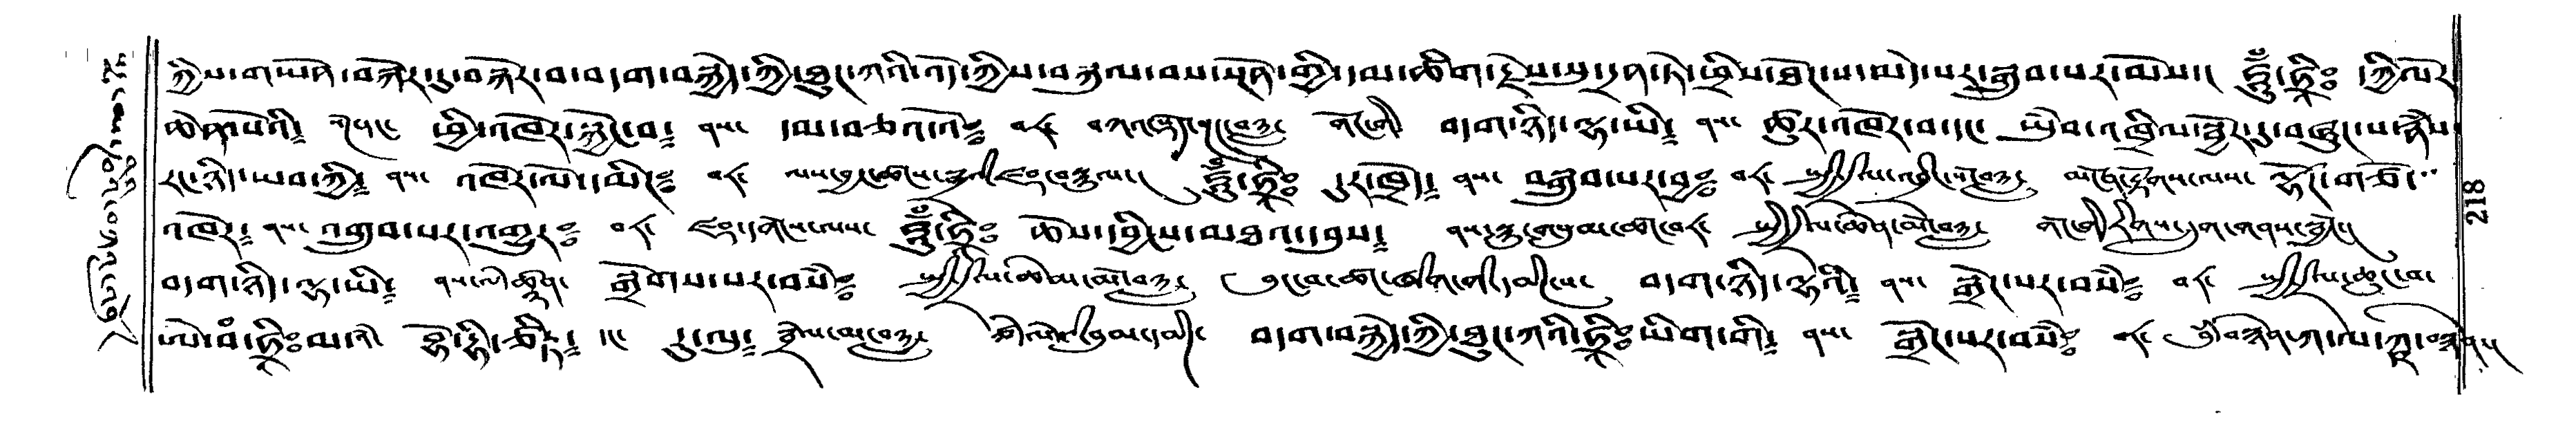ཀྱིས་གཡོན་བསྐོར་དུ་བསྐོར་བ་བདག་སྐྱེད་ཀྱི་ཐུགས་ཀའི་འོད་གྱི་བསྐུལ་བས་སྔོན་གྱི་དམ་ཚིག་རྗེས་སུ་དྲན་ཏེ་ཕྲིན་ལས་ཐོགས་པ་མེད་པར་སྒྲུབ་པར་མོས༔ ཧཱུྃ་ཧྲཱི༔ དཀྱིལ་འཁོར་
ཆེན་པོའི༴ སོགས་དང་། ཕྱི་འཁོར་སྐྱོང་བ༴ ནས། དམ་བཅའ་འོ༔ བར། བཀའ་སྡོད་སྔགས་བཟླ། གོང་གི བདག་ཉིད་ལྷ་ཡི༴ ནས། ཚུར་འཁོར་བ་དང༔ ཡབ་ཡུམ་འཁྲིལ་སྦྱོར་དུ་བཞུགས་པ་རྣམས་
རང་ཉིད་ཡབ་ཀྱི༴ ནས། འཁོར་ལོར་དམིགས༔ བར། ལས་བྱང་ཚངས་སྒྲའི་ཛབ་སྐུལ། ཧཱུྃ་ཧྲཱི༔ དུར་ཁྲོད༴ ནས། བསྒྲུབ་པར་བྱ༔ བར། སྤྱི་དྲིལ་འབྲིང་པོ་བཟླ། མངོན་རྟོགས་ལས། ལྷ་ཚོགས་གཙོ་
འཁོར༴ ནས། འགྲུབ་པར་འགྱུར༔ བར། ཛབ་དགོངས་ལས། ཧཱུྃ་ཧྲཱི༔ ཆོས་དབྱིངས་མཐའ་དབུས༴ ནས་སྐུ་གསུམ་ཚང་བར།སྤྱི་དྲིལ་ཆེན་མོ་བཟླ། གོང་གི་རིགས་དྲུག་གནས་སྦྱོང་། 
བདག་ཉིད་ལྷ་ཡི༴ ནས་ལེ་ཚན་གཉིས། སྒྲོག་པར་བསམ༔ སྤྱི་དྲིལ་ཆེན་མོ་བཟླ། བུང་བ་ཚང་ཞིག་གི་དམིགས་པ། བདག་ཉིད་ལྷའི༴ ནས། སྒྲོག་པར་བསམཿ བར། 
བུམ་སྙེན་ཀ་ལ་ཤ་སྙེན།